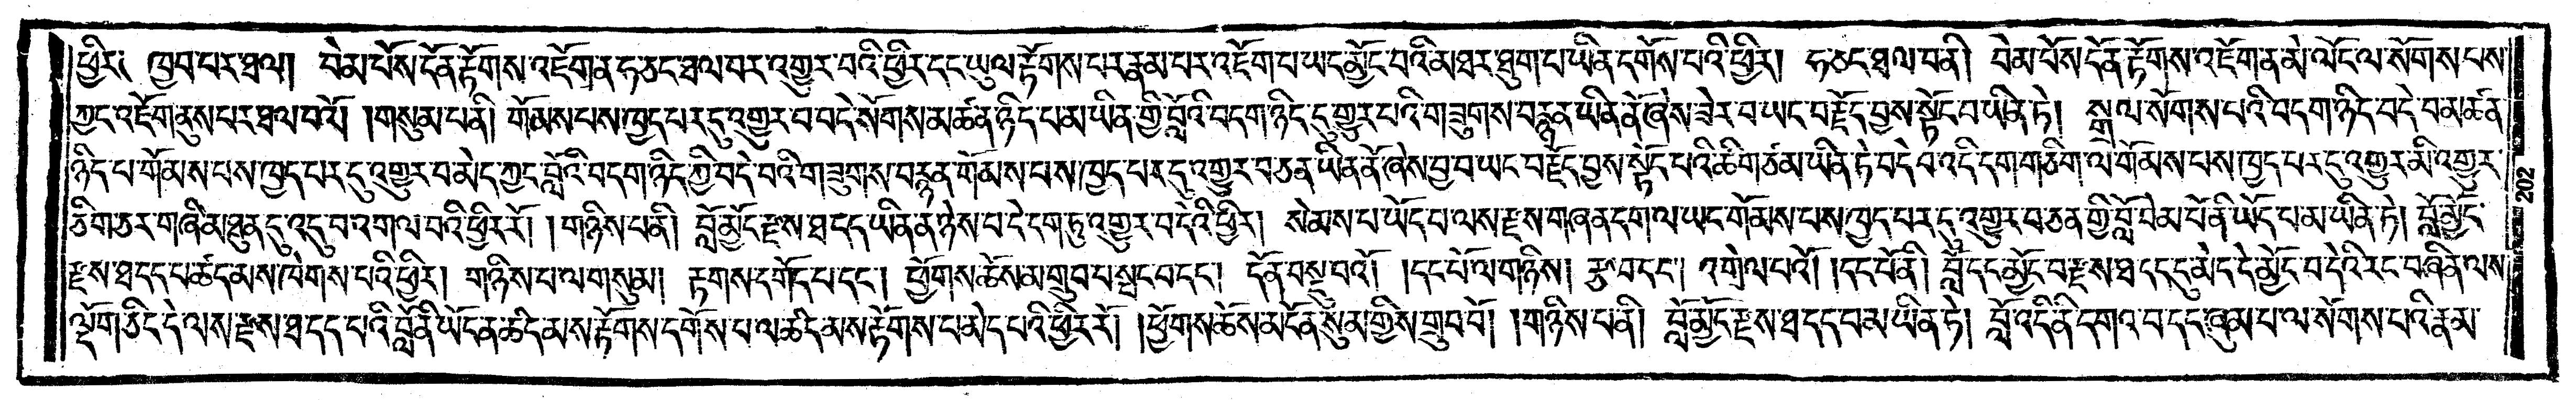ཕྱིར། ཁྱབ་པར་ཐལ། བེམ་པོས་དོན་རྟོགས་འཇོག་ན་ཧ་ཅང་ཐལ་བར་འགྱུར་བའི་ཕྱིར་དང་ཡུལ་རྟོགས་པར་རྣམ་པར་འཇོག་པ་ཡང་མྱོང་བའི་མཐར་ཐུག་པ་ཡིན་དགོས་པའི་ཕྱིར། ཧ་ཅང་ཐལ་བ་ནི། བེམ་པོས་དོན་རྟོགས་འཇོག་ན་མེ་ལོང་ལ་སོགས་པས་
ཀྱང་འཇོག་ནུས་པར་ཐལ་བའོ། །གསུམ་པ་ནི། གོམས་པས་ཁྱད་པར་དུ་འགྱུར་བ་བདེ་སོགས་མཚན་ཉིད་པ་མ་ཡིན་གྱི་བློའི་བདག་ཉིད་དུ་གྱུར་པའི་གཟུགས་བརྙན་ཡིན་ནོ་ཞེས་ཟེར་བ་ཡང་བརྗོད་བྱས་སྟོང་པ་ཡིན་ཏེ། སྒྲ་ལ་སོགས་པའི་བདག་ཉིད་བདེ་བ་མཚན་
ཉིད་པ་གོམས་པས་ཁྱད་པར་དུ་འགྱུར་བ་མེད་ཀྱང་བློའི་བདག་ཉིད་ཀྱི་བདེ་བའི་གཟུགས་བརྙན་གོམས་པས་ཁྱད་པར་དུ་འགྱུར་བ་ཅན་ཡིན་ནོ་ཞེས་བྱ་བ་ཡང་བརྗོད་བྱས་སྟོང་པའི་ཚིག་ཙམ་ཡིན་ཏེ་བདེ་བ་འདི་དག་གཅིག་ལ་གོམས་པས་ཁྱད་པར་དུ་འགྱུར་མི་འགྱུར་
ཅིག་ཅར་གཞི་མཐུན་དུ་འདུ་བ་འགལ་བའི་ཕྱིར་རོ། །གཉིས་པ་ནི། བློ་མྱོང་རྫས་ཐ་དད་ཡིན་ན་ཉེས་པ་དེ་དག་ཏུ་འགྱུར་བ་དེའི་ཕྱིར། སེམས་པ་ཡོད་པ་ལས་རྫས་གཞན་དག་ལ་ཡང་གོམས་པས་ཁྱད་པར་དུ་འགྱུར་བ་ཅན་གྱི་བློ་བེམ་པོ་ནི་ཡོད་པ་མ་ཡིན་ཏེ། བློ་མྱོང་
རྫས་ཐ་དད་པ་ཚད་མས་ཁེགས་པའི་ཕྱིར། གཉིས་པ་ལ་གསུམ། རྟགས་དགོད་པ་དང་། ཕྱོགས་ཆོས་མ་གྲུབ་པ་སྤང་བ་དང་། དོན་བསྡུ་བའོ། །དང་པོ་ལ་གཉིས། རྩ་བ་དང་། འགྲེལ་པའོ། །དང་པོ་ནི། བློ་དང་མྱོང་བ་རྫས་ཐ་དད་དུ་མེད་དེ་མྱོང་བ་དེའི་རང་བཞིན་ལས་
ལྡོག་ཅིང་དེ་ལས་རྫས་ཐ་དད་པའི་བློ་ནི་ཡོད་ན་ཚད་མས་རྟོགས་དགོས་པ་ལ་ཚད་མས་རྟོགས་པ་མེད་པའི་ཕྱིར་རོ། །ཕྱོགས་ཆོས་མངོན་སུམ་གྱིས་གྲུབ་བོ། །གཉིས་པ་ནི། བློ་མྱོང་རྫས་ཐ་དད་པ་མ་ཡིན་ཏེ། བློ་འདི་ནི་དགའ་བ་དང་ཞུམ་པ་ལ་སོགས་པའི་རྣམ་